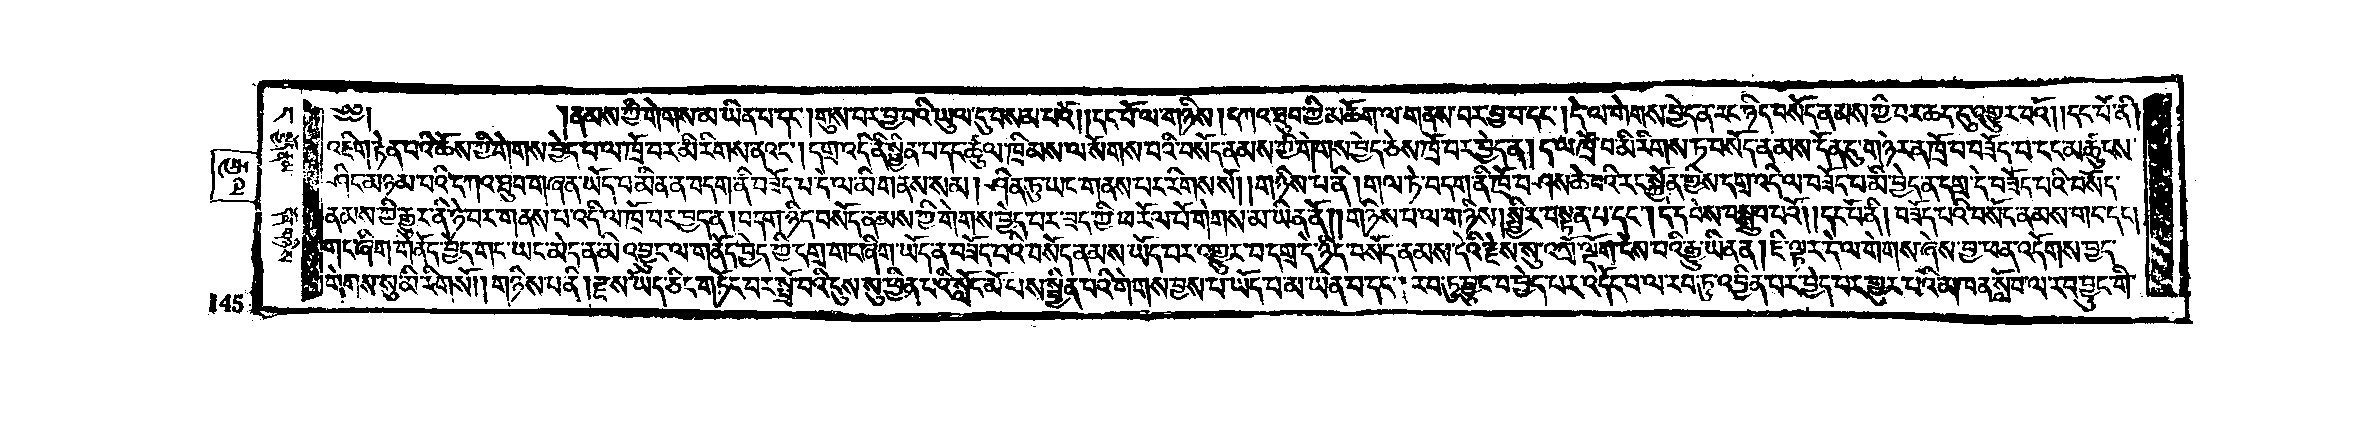༄༅། །ནམས་ཀྱི་གེགས་མ་ཡིན་པ་དང་། གུས་པར་བྱ་བའི་ཡུལ་དུ་བསམ་པའོ། །དང་པོ་ལ་གཉིས། དཀའ་ཐུབ་ཀྱི་མཆོག་ལ་གནས་པར་བྱ་བ་དང་། དེ་ལ་གེགས་བྱེད་ན་རང་ཉིད་བསོད་ནམས་ཀྱི་བར་ཆད་དུ་འགྱུར་བའོ། །དང་པོ་ནི།
འཇིག་རྟེན་པའི་ཆོས་ཀྱི་གེགས་བྱེད་པ་ལ་ཁྲོ་བར་མི་རིགས་ནའང་། དགྲ་འདི་ནི་སྦྱིན་པ་དང་ཚུལ་ཁྲིམས་ལ་སོགས་པའི་བསོད་ནམས་ཀྱི་གེགས་བྱེད་ཅེས་ཁྲོ་བར་བྱེད་ན། ད་ལ་ཁྲོ་བ་མི་རིགས་ཏ་བསོད་ནམས་དོན་དུ་གཉེར་ན་ཁྲོ་བ་བཟོད་པ་དང་མཚུངས་
ཤིང་མཉམ་པའི་དཀའ་ཐུབ་གཞན་ཡོད་པ་མིན་ན་བདག་ནི་བཟོད་པ་དེ་ལ་མི་གནས་སམ། ཤིན་ཏུ་ཡང་གནས་པར་རིགས་སོ། །གཉིས་པ་ནི། གལ་ཏེ་བདག་ནི་ཁྲོ་བ་ཤེས་ཆེ་བའི་རང་སྐྱོན་གྱིས་དགྲ་འདི་ལ་བཟོད་པ་མི་བྱེད་ན་དགྲ་དེ་བཟོད་པའི་བསོད་
ནམས་ཀྱི་རྒྱུར་ནི་ཉེ་བར་གནས་པ་འདི་ལ་ཁྲོ་བར་བྱད་ན། བདག་ཉིད་བསོད་ནམས་ཀྱི་གེགས་བྱེད་པར་ཟད་ཀྱི་ཕ་རོལ་པོ་གེགས་མ་ཡིན་ནོ། །གཉིས་པ་ལ་གཉིས། སྤྱིར་བསྟན་པ་དང་། དེ་དཔེས་བསྒྲུབ་པའོ། །དང་པོ་ནི། བཟོད་པའི་བསོད་ནམས་གང་དང་།
གང་ཞིག་གནོད་བྱེད་གང་ཡང་མེད་ན་མི་འབྱུང་ལ་གནོད་བྱེད་ཀྱི་དགྲ་གང་ཞིག་ཡོད་ན་བཟོད་པའི་བསོད་ནམས་ཡོད་པར་འགྱུར་བ་དགྲ་དེ་ཉིད་བསོད་ནམས་དེའི་རྗེས་སུ་འགྲོ་ལྡོག་ངེས་པའི་རྒྱུ་ཡིན་ན། ཇི་ལྟར་དེ་ལ་གེགས་ཞེས་བྱ་ཕན་འདོགས་བྱད་
གེགས་སུ་མི་རིགས་སོ། །གཉིས་པ་ནི། རྫས་ཡོད་ཅིང་གཏོང་བར་སྤྲོ་བའི་དུས་སུ་ཕྱིན་པའི་སློང་མོ་པས་སྦྱིན་པའི་གེགས་བྱས་པ་ཡོད་པ་མ་ཡིན་པ་དང་། རབ་ཏུ་བྱུང་བ་བྱེད་པར་འདོད་པ་ལ་རབ་ཏུ་འབྱིན་པར་བྱེད་པར་གྱུར་པའི་མཁན་སློབ་ལ་རབ་བྱུང་གི་